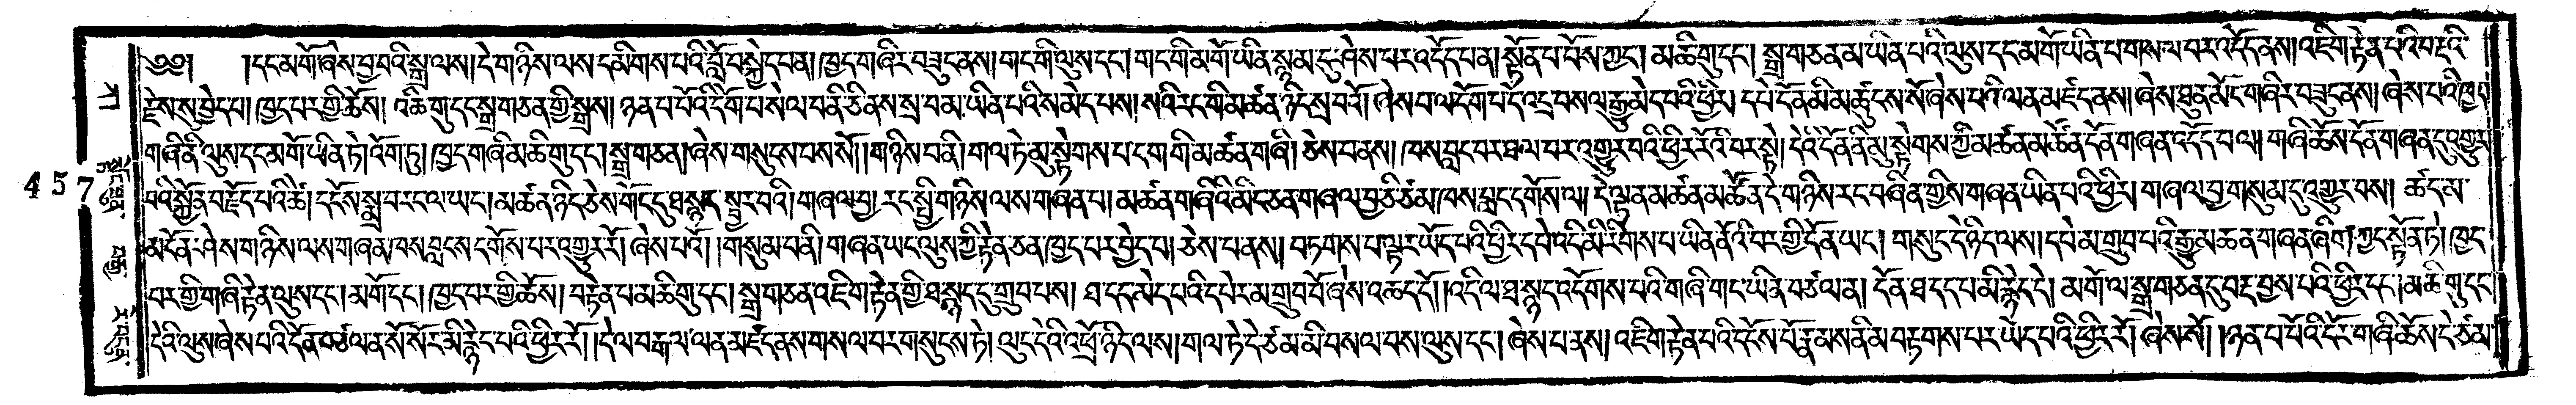༄༅། །དང་མགོ་ཞེས་བྱ་བའི་སྒྲ་ལས། དེ་གཉིས་ལས་དམིགས་པའི་བློ་བསྐྱེད་པ་ན། ཁྱད་གཞིར་བཟུང་ནས། གང་གི་ལུས་དང་། གང་གི་མགོ་ཡིན་སྙམ་དུ་ཤེས་པར་འདོད་བ་ན། སྟོན་པ་པོས་ཀྱང་། མཆི་གུ་དང་། སྒྲ་གཅན་མ་ཡིན་པའི་ལུས་དང་མགོ་ཡིན་པ་གསལ་བར་འདོད་ནས། འཇིག་རྟེན་པའི་བརྡའི་
རྗེས་སུ་བྱེད་བ། ཁྱད་པར་གྱི་ཆོས། འཆི་གུ་དང་སྒྲ་གཅན་གྱི་སྒྲས། ཉན་པ་པོའི་དོག་པ་སེལ་བ་ནི་ཅི་ནས་སྲ་བམ་ཡིན་པའི་ས་མེད་པས། སའི་རང་གི་མཚན་ཉིད་སྲ་བའོ། ཞེས་བ་ལ་དོག་པ་དེ་འདྲ་བསལ་རྒྱུ་མེད་པའི་ཕྱིར། དཔེ་དོན་མི་མཚུངས་སོ་ཞེས་པའི་ལན་མཛད་ནས། ཞེས་ཐུན་མོང་གཞིར་བཟུང་ནས། ཞེས་བའི་ཁྱད་
གཞི་ནི་ལུས་དང་མགོ་ཡིན་ཏེ། འོག་ཏུ། ཁྱད་གཞི་མཆི་གུ་དང་། སྒྲ་གཅན། ཞེས་གསུངས་པས་སོ། །གཉིས་པ་ནི། གལ་ཏེ་མུ་སྟེགས་པ་དག་གི་མཚན་གཞི། ཅེས་པ་ནས། ཁས་བླང་བར་ཐལ་བར་འགྱུར་བའི་ཕྱིར་རོའི་བར་སྟེ། དེའི་དོན་ནི་མུ་སྟེགས་ཀྱི་མཚན་མཚོན་དོན་གཞན་འདོད་པ་ལ། གཞི་ཆོས་དོན་གཞན་དུ་འགྱུར་
བའི་སྐྱོན་བརྗོད་པའི་ཚེ། དངོས་སྨྲ་བ་རང་ལ་ཡང་། མཚན་ཉིད་ཅེས་གོང་དུ་ཐ་སྙད་སྦྱར་བའི། གཞལ་བྱ། རང་སྤྱི་གཉིས་ལས་གཞན་པ། མཚན་གཞིའི་མིང་ཅན་གཞལ་བྱ་ཅི་ཙམ་ཁས་བླང་དགོས་ལ། དེ་ལྟ་ན་མཚན་མཚོན་དེ་གཉིས་རང་བཞིན་གྱིས་གཞན་ཡིན་པའི་ཕྱིར། གཞལ་བྱ་གསུམ་དུ་འགྱུར་བས། ཚད་མ་
མངོན་ཤེས་གཉིས་ལས་གཞན་ཁས་བླངས་དགོས་པར་འགྱུར་རོ། ཞེས་པའོ། །གསུམ་པ་ནི། གཞན་ཡང་ལུས་ཀྱི་རྟེན་ཅན་ཁྱད་པར་བྱེད་པ། ཅེས་པ་ནས། བཏགས་པ་ལྟར་ཡོད་པའི་ཕྱིར་དཔེ་འདི་མི་རིགས་པ་ཡིན་ནོའི་བར་གྱི་དོན་ཡང་། གསུང་དེ་ཉིད་ལས། དཔེ་མ་གྲུབ་པའི་རྒྱུ་མཚན་གཞན་ཞིག་ཀྱང་སྟོན་ཏེ། ཁྱད་
བར་གྱི་གཞི་རྟེན་ལུས་དང་། མགོ་དང་། ཁྱད་བར་གྱི་ཆོས། བརྟེན་པ་མཆི་གུ་དང་། སྒྲ་གཅན་འཇིག་རྟེན་གྱི་ཐ་སྙད་དུ་གྲུབ་པས། ཐ་དད་མེད་པའི་དཔེར་མ་གྲུབ་བོ་ཞེས་འཆད་དོ། །འདི་ལ་ཐ་སྙད་འདོགས་པའི་གཞི་གང་ཡིན་བཙལ་ན། དོན་ཐ་དད་པ་མི་རྙེད་དོ། མགོ་ལ་སྒྲ་གཅན་དུ་བརྡ་བྱས་པའི་ཕྱིར་དང་། མཆི་གུ་དང་
དེའི་ལུས་ཞེས་པའི་དོན་བཙལ་ན་སོ་སོར་མི་རྙེད་པའི་ཕྱིར་རོ། །དེ་ལ་བརྒལ་ལན་མཛད་ནས་གསལ་བར་གསུངས་ཏེ། ལུང་དེའི་འཕྲོ་ཉིད་ལས། གལ་ཏེ་དེ་ཙམ་མི་བསལ་བས་ལུས་དང་། ཞེས་པ་ནས། འཇིག་རྟེན་པའི་དངོས་པོ་རྣམས་ནི་མ་བརྟགས་པར་ཡོད་པའི་ཕྱིར་རོ། ཞེས་སོ། །ཉན་པ་བོའི་ངོར་གཞི་ཆོས་དེ་ཙམ་